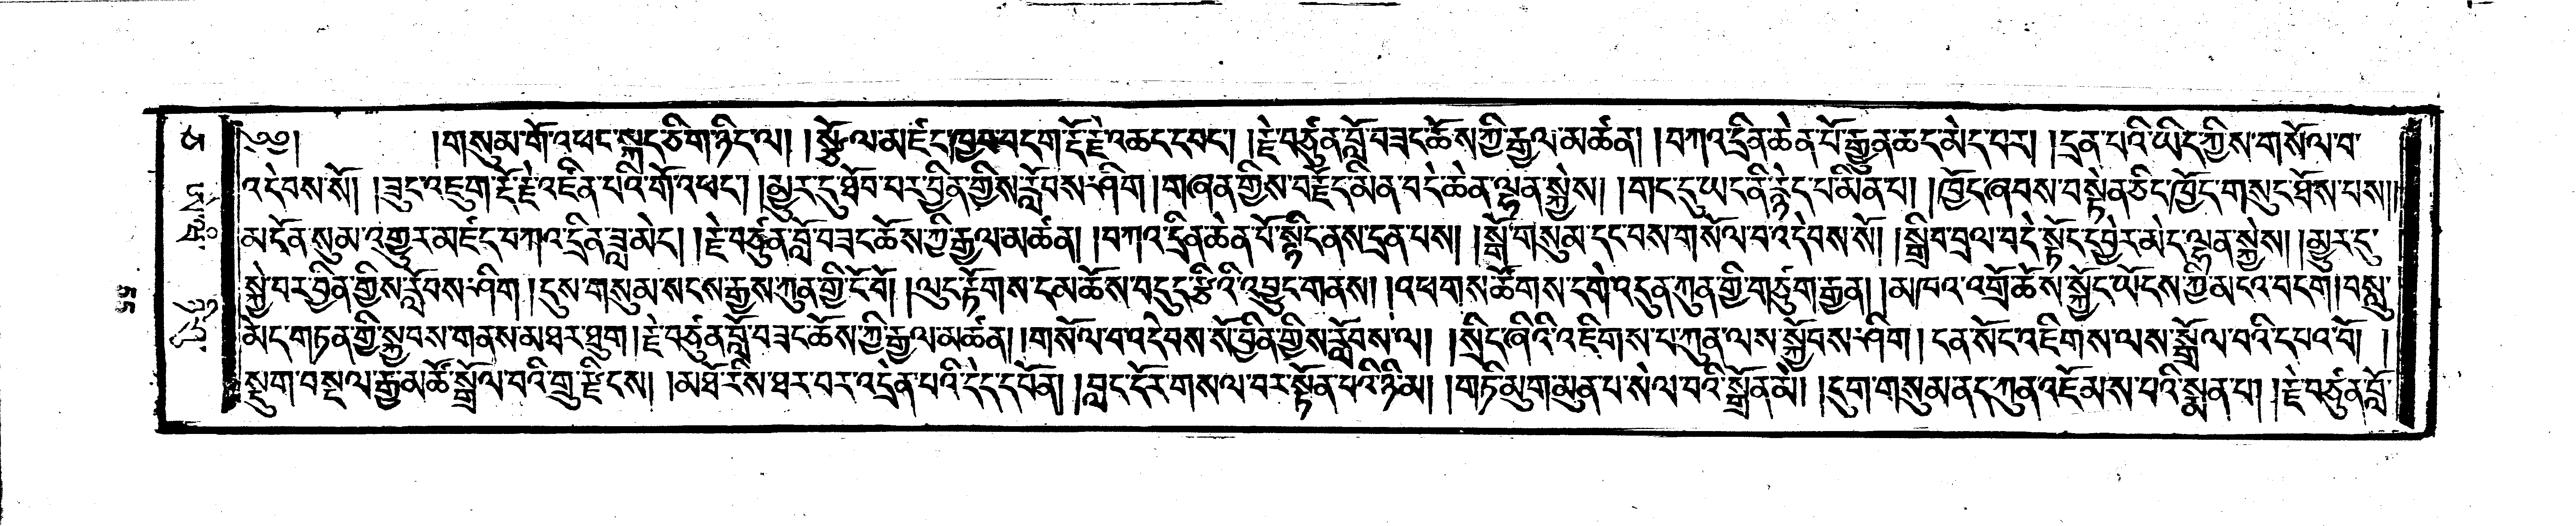༄༅། །གསུམ་གོ་འཕང་སྐད་ཅིག་ཉིད་ལ། །སྩོལ་མཛད་ཁྱབ་བདག་རྡོ་རྗེ་འཆང་དབང་། །རྗེ་བཙུན་བློ་བཟང་ཆོས་ཀྱི་རྒྱལ་མཚན། །བཀའ་དྲིན་ཆེན་པོ་རྒྱུན་ཆད་མེད་པར། །དྲན་པའི་ཡིད་ཀྱིས་གསོལ་བ་
འདེབས་སོ། །ཟུང་འཇུག་རྡོ་རྗེ་འཛིན་པའི་གོ་འཕང་། །མྱུར་དུ་ཐོབ་པར་བྱིན་གྱིས་རློབས་ཤིག །གཞན་གྱིས་བརྗོད་མིན་བདེ་ཆེན་ལྷན་སྐྱེས། །གང་དུ་ཡང་ནི་རྙེད་པ་མིན་པ། །ཁྱོད་ཞབས་བསྟེན་ཅིང་ཁྱོད་གསུང་ཐོས་པས།
མངོན་སུམ་འགྱུར་མཛད་བཀའ་དྲིན་ཟླ་མེད། །རྗེ་བཙུན་བློ་བཟང་ཆོས་ཀྱི་རྒྱལ་མཚན། །བཀའ་དྲིན་ཆེན་པོ་སྙིང་ནས་དྲན་པས། །སྒོ་གསུམ་དང་བས་གསོལ་བ་འདེབས་སོ། །སྒྲིབ་བྲལ་བདེ་སྟོང་དབྱེར་མེད་ལྷན་སྐྱེས། །མྱུར་དུ་
སྐྱེ་བར་བྱིན་གྱིས་རློབས་ཤིག །དུས་གསུམ་སངས་རྒྱས་ཀུན་གྱི་ངོ་བོ། །ལུང་རྟོགས་དམ་ཆོས་བདུད་རྩིའི་འབྱུང་གནས། །འཕགས་ཆོགས་དགེ་འདུན་ཀུན་གྱི་གཙུག་རྒྱན། །མཁའ་འགྲོ་ཆོས་སྐྱོང་ཡོངས་ཀྱི་མངའ་བདག །བསླུ་
མེད་གཏན་གྱི་སྐྱབས་གནས་མཐར་ཐུག །རྗེ་བཙུན་བློ་བཟང་ཆོས་ཀྱི་རྒྱལ་མཚན། །གསོལ་བ་འདེབས་སོ་བྱིན་གྱིས་རློབས་ལ། །སྲིད་ཞིའི་འཇིགས་པ་ཀུན་ལས་སྐྱོབས་ཤིག །ངན་སོང་འཇིགས་ལས་སྒྲོལ་བའི་དཔའ་བོ། །
སྡུག་བསྔལ་རྒྱ་མཚོ་སྒྲོལ་བའི་གྲུ་རྫིངས། །མཐོ་རིས་ཐར་པར་འདྲེན་པའི་དེད་དཔོན། །བླང་དོར་གསལ་བར་སྟོན་པའི་ཉི་མ། །གཏི་མུག་མུན་པ་སེལ་བའི་སྒྲོན་མེ། །དུག་གསུམ་ནད་ཀུན་འཇོམས་པའི་སྨན་པ། །རྗེ་བཙུན་བློ་